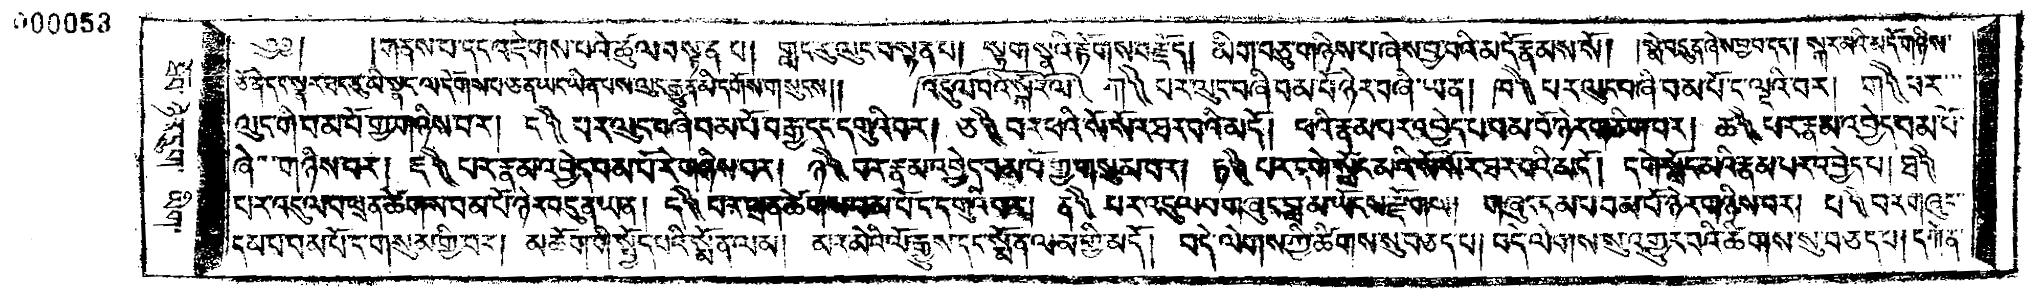༄༅། །གནས་པ་དང་འཇིགས་པའི་ཚུལ་བསྟན་པ། གླང་རུ་ལུང་བསྟན་པ། སྟག་སྣའི་རྟོགས་བརྗོད། མིག་བཅུ་གཉིས་པ་ཞེས་བྱ་བའི་མདོ་རྣམས་སོ། །སྨེ་བདུན་ཞེས་བྱ་བ་དང་། སྐར་མའི་མདོ་གཉིས་
ཅོ་ནེ་དང་སྣར་ཐང་དུ་མི་སྣང་ལ་དོགས་པ་ཅན་ཡང་ཡིན་པས་ལུང་རྒྱུན་མི་དགོས་གསུངས།། ༼འདུལ་བའི་སྐོར་ལ༽ ཀ༼༽ པར་ལུང་བཞི་བམ་པོ་ཉེར་བཞི་ཡན། ཁ༼༽ པར་ལུང་བཞི་བམ་པོ་ང་ལྔའི་བར། ག༼༽ པར་
ལུང་གི་བམ་པོ་གྱ་གཉིས་བར། ང༼༽ པར་ལུང་བཞི་བམ་པོ་བརྒྱ་དང་དགུའི་བར། ཅ༼༽ བར་ཕའི་སོ་སོར་ཐར་བའི་མདོ། ཕའི་རྣམ་པར་འབྱེད་པ་བམ་བོ་ཉེར་གཅིག་བར། ཆ༼༽ པར་རྣམ་འབྱེད་བམ་པོ་
ཞེས་གཉིས་བར། ཇ༼༽ པར་རྣམ་འབྱེད་བམ་པོ་རེ་གཉིས་བར། ཉ༼༽ པར་རྣམ་འབྱེད་བམ་བོ་རྒྱ་གསུམ་བར། ཏ༼༽ པར་དགེ་སློང་མའི་སོ་སོར་ཐར་བའི་མདོ། དགེ་སློང་མའི་རྣམ་པར་འབྱེད་པ། ཐ༼༽
པར་འདུལ་བ་ཕྲན་ཚེགས་བམ་པོ་ཉེར་བདུན་ཡན། ད༼༽ པར་ཕྲན་ཚེགས་བམ་པོ་ང་དགུའི་བར། ན༼༽ པར་འདུལ་བ་གཞུང་བླ་མ་ཡོངས་རྫོགས། གཞུང་དམ་པ་བམ་པོ་ཉེར་གཉིས་བར། པ༼༽ བར་གཞུང་
དམ་པ་བམ་པོ་ང་གསུམ་གྱི་བར། མཆོག་གི་སྤྱོད་པའི་སྨོན་ལམ། མར་མེའི་ལོ་རྒྱུས་དང་སྨོན་ལམ་གྱི་མདོ། བདེ་ལེགས་ཀྱི་ཚིགས་སུ་བཅད་པ། བདེ་ལེགས་སུ་འགྱུར་བའི་ཚིགས་སུ་བཅད་པ། དཀོན་